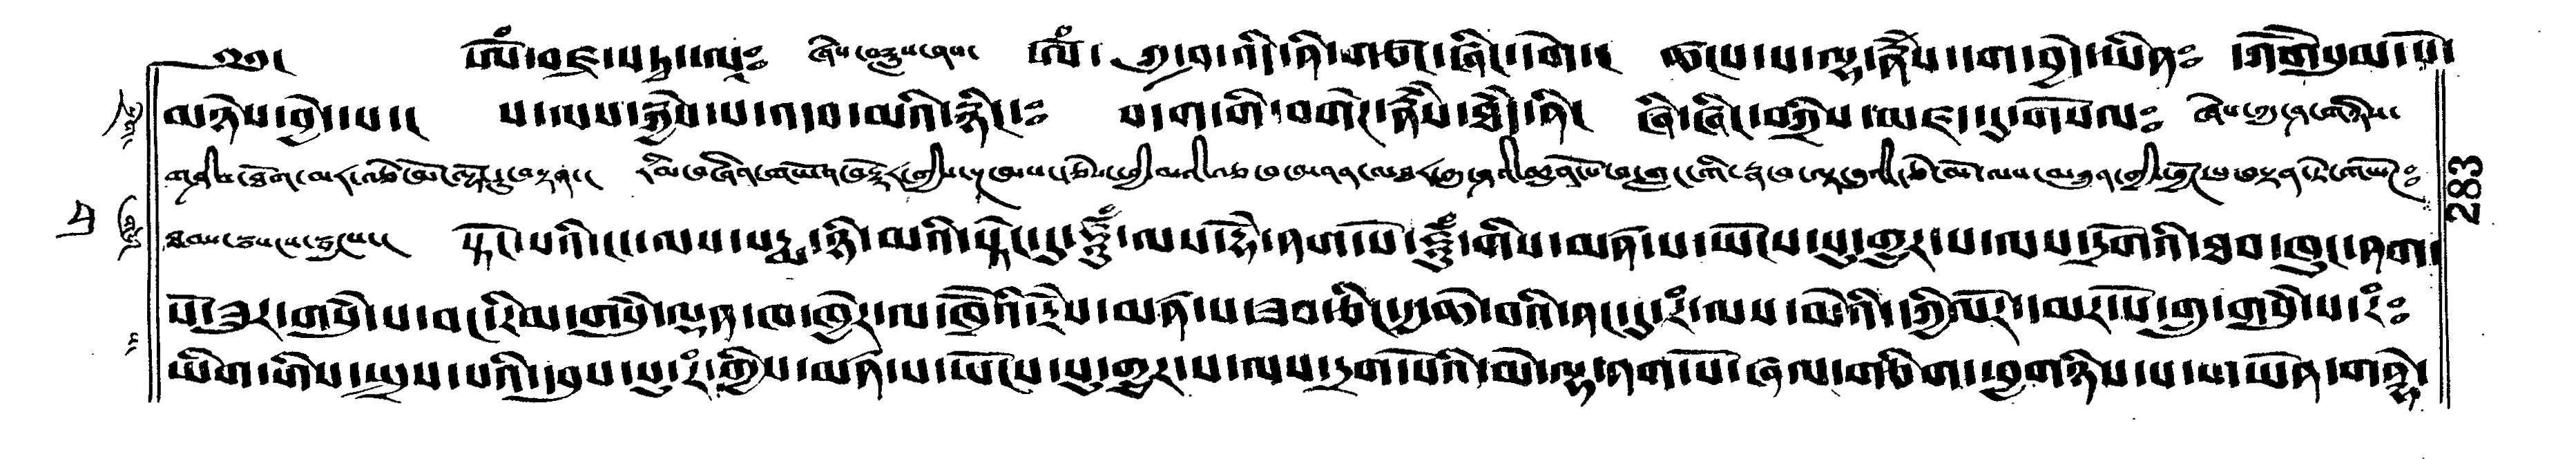ཨོཾ་བཛྭ་སཏྭ་ཨཱཿ ཞེས་བཟླས་ནས། ཨོཾ༔ ཀུ་ཤ་འདི་ནི་གཙང་ཞིང་དགེ༔ ཚངས་པ་ལྷ་རྣམས་དག་བྱེད་ཡིན༔ དཀོན་མཆོག་གསུམ་པོ་
མཉེས་བྱེད་པ༔ ས་ལས་སྐྱེས་པ་འདབ་མའི་སྙིང་༔ བདག་གི་བགེགས་རྣམས་ཐམས་ཅད་ནི༔ ཞི་ཞིང་བཀྲ་ཤིས་མཛད་དུ་གསོལ༔ ཞེས་ཀུ་ཤ་གཉིས་
གཤིབ་ཐོག་མར་རྩེ་མོ་ལྷོ་རུ་བསྟན། རིམ་བཞིན་གཡོན་བསྐོར་གྱིས་སྔ་མའི་རྩེས་ཕྱི་མའི་རྩ་བ་མནན་མཐར་ཀུ་ཤའི་ཆུན་པོ་བ་གླང་གི་རྣ་བ་ལྟ་བུའི་རྩེ་མོ་ལས་མཐུན་གྱི་ཕྱོགས་སུ་བསྟན་ཏེ་གཡོགས། 
ཐབ་བསངས་སྦྱངས། སྟོང་པའི་ངང་ལས་པདྨ་ཉི་མའི་སྟེང་དུ་ཧཱུྃ་ལས་རྡོ་རྗེ་ནག་པོ་ཧཱུྃ་གིས་མཚན་པ་ཡོངས་སུ་གྱུར་པ་ལས་དྲག་པོའི་ཐབ་ཁུང་ནག་
པོ་ཟུར་གསུམ་པ་བང་རིམ་གསུམ་ལྡན་ཁ་ཁྱེར་ལ་ཁྲོ་བོའི་རྡོ་རྗེས་མཚན་པ་ཟབ་ཅིང་རྒྱ་ཆེ་བའི་ནང་དུ་རཾ་ལས་མེའི་དཀྱིལ་འཁོར་དམར་པོ་གྲུ་གསུམ་པ་རཾ་
ཡིག་གིས་སྤྲས་པའི་དབུས་སུ་རཾ་གྱིས་མཚན་པ་ཡོངས་སུ་གྱུར་པ་ལས་དྲག་པོའི་མེ་ལྷ་ནག་པོ་ཞལ་གཅིག་ཕྱག་གཉིས་པ་གཡོན་གནྡྷེ་